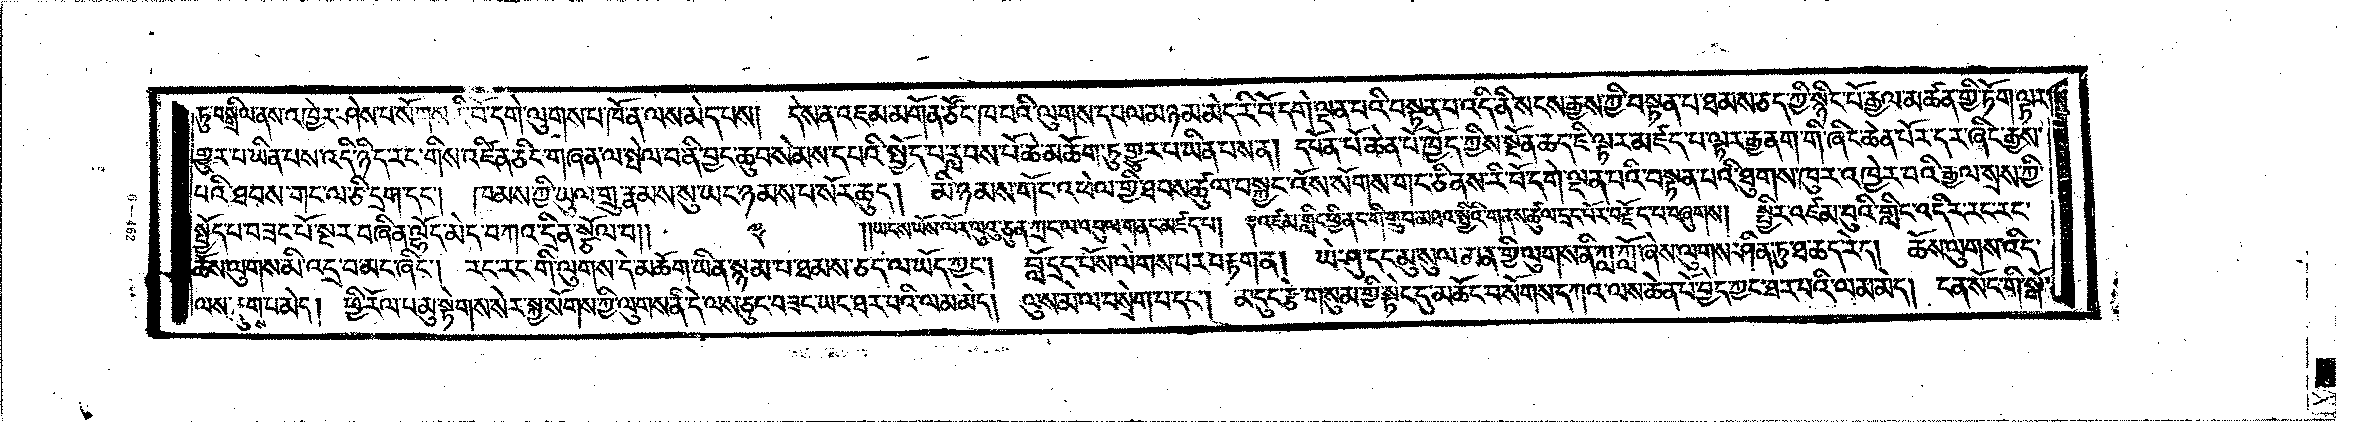ཏུ་བསྒྲིལ་ནས་འཁྱེར་ཤེས་པ་སོགས་རི་བོ་དགེ་ལུགས་པ་ཁོ་ན་ལས་མེད་པས། དེས་ན་འཇམ་མགོན་ཙོང་ཁ་པའི་ལུགས་དཔལ་མཉམ་མེད་རི་བོ་དགེ་ལྡན་པའི་བསྟན་པ་འདི་ནི་སངས་རྒྱས་ཀྱི་བསྟན་པ་ཐམས་ཅད་ཀྱི་སྙིང་པོ་རྒྱལ་མཚན་གྱི་ཏོག་ལྟར་
གྱུར་པ་ཡིན་པས་འདི་ཉིད་རང་གིས་འཛིན་ཅིང་གཞན་ལ་སྤེལ་བ་ནི་བྱང་ཆུབ་སེམས་དཔའི་སྤྱོད་པ་རླབས་པོ་ཆེ་མཆོག་ཏུ་གྱུར་པ་ཡིན་པས་ན། དཔོན་པོ་ཆེན་པོ་ཁྱོད་ཀྱིས་སྔོན་ཆད་ཇི་ལྟར་མཛད་པ་ལྟར་རྒྱ་ནག་གི་ཞིང་ཆེན་པོར་དར་ཞིང་རྒྱས་
པའི་ཐབས་གང་ལ་ཅི་དྲག་དང་། ཁམས་ཀྱི་ཡུལ་གྲུ་རྣམས་སུ་ཡང་ཉམས་པ་སོར་ཆུང་། མི་ཉམས་གོང་འཕེལ་གྱི་ཐབས་ཚུལ་བསྐྱང་འོས་སོགས་གང་ཅི་ནས་རི་བོ་དགེ་ལྡན་པའི་བསྟན་པའི་ཐུགས་ཁུར་འཁྱེར་བའི་རྒྱལ་སྲས་ཀྱི་
སྤྱོད་པ་བཟང་པོ་སྔར་བཞིན་ལྷོད་མེད་བཀའ་དྲིན་སྩོལ་བ།། ༈ །།ཡངས་ཡོས་ལོར་ལུའུ་ཅུན་ཀྲང་ལ་འབུལ་གནང་མཛད་པ། ༈ འཇམ་གླིང་ཕྱི་ནང་གི་གྲུབ་མཐའ་སྤྱིའི་གནས་ཚུལ་དྲང་པོར་བརྗོད་པ་བཞུགས།  སྤྱིར་འཛམ་བུའི་གླིང་འདིར་རང་རང་
ཆོས་ལུགས་མི་འདྲ་བ་མང་ཞིང་། རང་རང་གི་ལུགས་དེ་མཆོག་ཡིན་སྙམ་པ་ཐམས་ཅད་ལ་ཡོད་ཀྱང་། བློ་དྲང་པོས་ལེགས་པར་བརྟག་ན། ཡེ་ཤུ་དང་མུ་སུལ་མན་གྱི་ལུགས་ནི་ཀླ་ཀློ་ཞེས་ལུགས་ཤིན་ཏུ་ཐ་ཆད་རེད། ཆོས་ལུགས་འདི་
ལས་རྔུགས་པ་མེད། ཕྱི་རོལ་པ་མུ་སྟེགས་སེར་སྐྱ་སོགས་ཀྱི་ལུགས་ནི་དེ་ལས་ཅུང་བཟང་ཡང་ཐར་པའི་ལམ་མེད། ལུས་མེ་ལ་བསྲེག་པ་དང་། མདུང་རྩེ་གསུམ་གྱི་སྟེང་དུ་མཆོང་བ་སོགས་དཀའ་ལས་ཆེན་པོ་བྱེད་ཀྱང་ཐར་བའི་ལམ་མེད། ངན་སོང་གི་སྒོ་